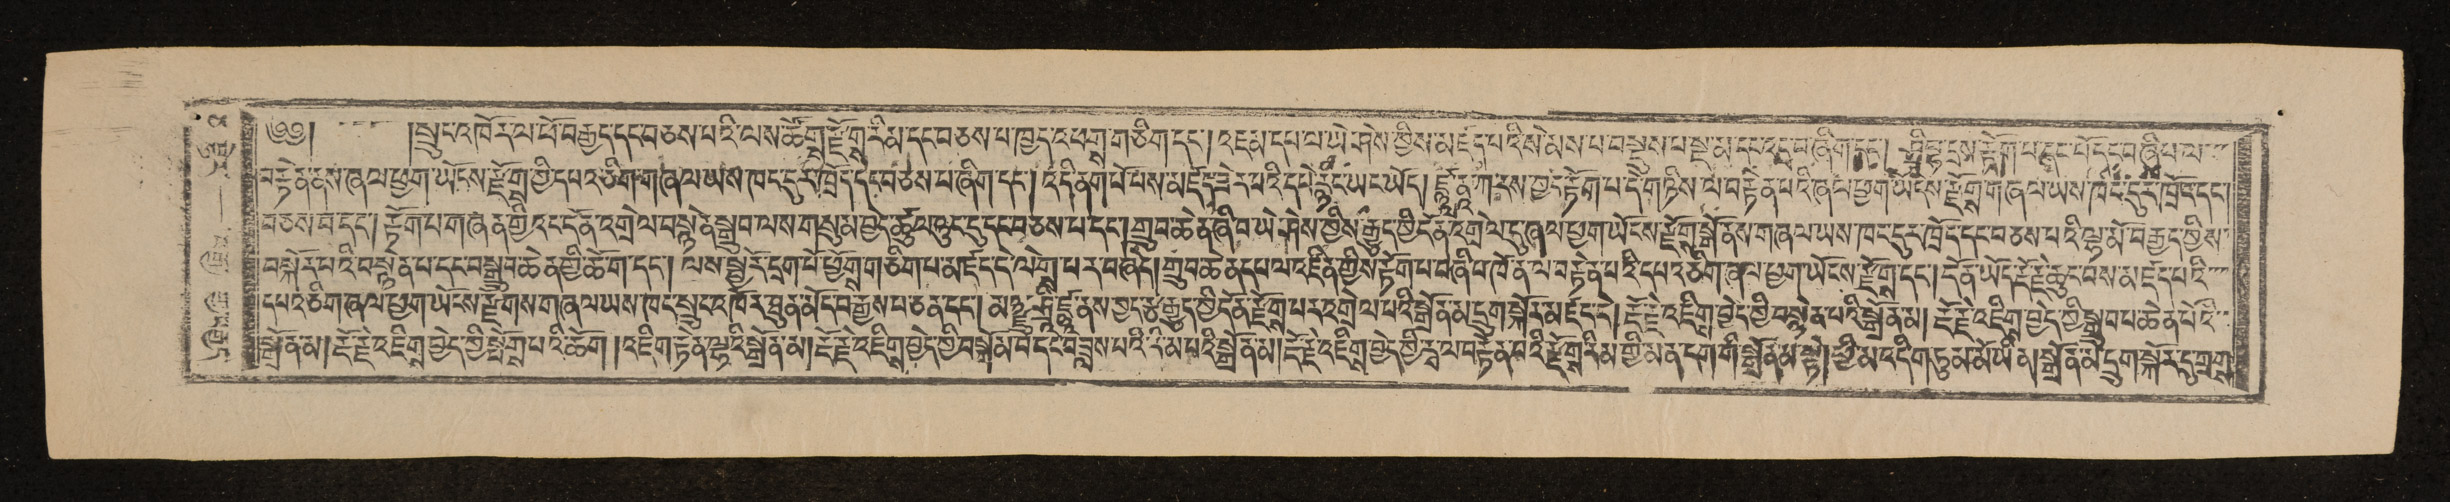༄༅། །སྲུང་འཁོར་ལ་ཕོ་བརྒྱད་དང་བཅས་པའི་ལས་ཚོགས་རྫོགས་རིམ་དང་བཅས་པ་ཁྱད་འཕགས་གཅིག་དང་། འཇམ་དཔལ་ཡེ་ཤེས་ཀྱིས་མཛད་པའི་སེམས་པ་བསྡུས་པ་སྔ་མ་དང་འདྲ་བ་ཞིག་དང་། ཤྲཱི་བྷ་དྲས་རྟོག་པ་དང་པོ་དང་བཞི་པ་ལ་
བརྟེན་ནས་ཞལ་ཕྱག་ཡོངས་རྫོགས་ཀྱི་དཔའ་ཅིག་གཞལ་ཡས་ཁང་དུར་ཁྲོད་དང་བཅས་པ་ཞིག་དང་། འདི་ནག་པོ་པས་མཛད་ཟེར་བའི་དཔེ་རྙིང་ཡང་ཡོད། ཛྙཱ་ནཱ་ཀ་རས་ཀྱང་རྟོག་པ་དེ་གཉིས་ལ་བརྟེན་བའི་ཞལ་ཕྱག་ཡོངས་རྫོགས་གཞལ་ཡས་ཁང་དུར་ཁྲོད་དང་
བཅས་པ་དང་། རྟོག་པ་གཞན་གྱིའང་དོན་འགྲེལ་བསྙེན་སྒྲུབ་ལས་གསུམ་བྱེད་ཚུལ་ཉུང་དུ་དང་བཅས་པ་དང་། གྲུབ་ཆེན་ཞི་བ་ཡེ་ཤེས་ཀྱིས་རྒྱུད་ཀྱི་དོན་འགྲེལ་དུ་ཞལ་ཕྱག་ཡོངས་རྫོགས་སྒོ་ནས་གཞལ་ཡས་ཁང་དུར་ཁྲོད་དང་བཅས་པའི་ལྷ་མོ་བརྒྱད་ཀྱིས་
བསྐོར་བའི་བསྙེན་པ་དང་བསྒྲུབ་ཆེན་གྱི་ཆོ་ག་དང་། ལས་སྦྱོར་དྲག་པོ་ཕྱོགས་གཅིག་པ་མཛད་དེ་ལེགས་པར་བཞེད། གྲུབ་ཆེན་དཔལ་འཛིན་གྱིས་རྟོག་པ་བཞི་བ་ཁོ་ན་ལ་བརྟེན་པའི་དཔའ་ཅིག་ཞལ་ཕྱག་ཡོངས་རྫོགས་དང་། དོན་ཡོད་རྡོ་རྗེ་ཆུང་བས་མཛད་པའི་
དཔའ་ཅིག་ཞལ་ཕྱག་ཡོངས་རྫོགས་གཞལ་ཡས་ཁང་སྲུང་འཁོར་ཐུན་མོང་བ་རྒྱས་པ་ཅན་དང་། མཉྫུ་ཤྲཱི་ཛྙཱ་ནས་ཀྱང་རྩ་རྒྱུད་ཀྱི་དོན་རྫོགས་པར་འགྲེལ་བའི་སྒྲོན་མ་དྲུག་སྐོར་མཛད་དེ། རྡོ་རྗེ་འཇིགས་བྱེད་ཀྱི་བསྙེན་པའི་སྒྲོན་མ། རྡོ་རྗེ་འཇིགས་བྱེད་ཀྱི་སྒྲུབ་པ་ཆེན་པོའི་
སྒྲོན་མ། རྡོ་རྗེ་འཇིགས་བྱེད་ཀྱི་སྦོགས་པའི་ཆོག། འཇིག་རྟེན་ལྷའི་སྒྲོན་མ། རྡོ་རྗེ་འཇིགས་བྱེད་ཀྱི་བསྒོམ་པ་དང་བཟླས་པའི་རིམ་པའི་སྒྲོན་མ། རྡོ་རྗེ་འཇིགས་བྱེད་ཀྱི་རྭལ་བརྟེན་པའི་རྫོགས་རིམ་གྱི་མན་ངག་གི་སྒྲོན་མ་སྟེ། ཕྱི་མ་འདི་གཏུམ་མོ་ཡིན། སྒྲོན་མ་དྲུག་སྐོར་དུ་གྲགས་